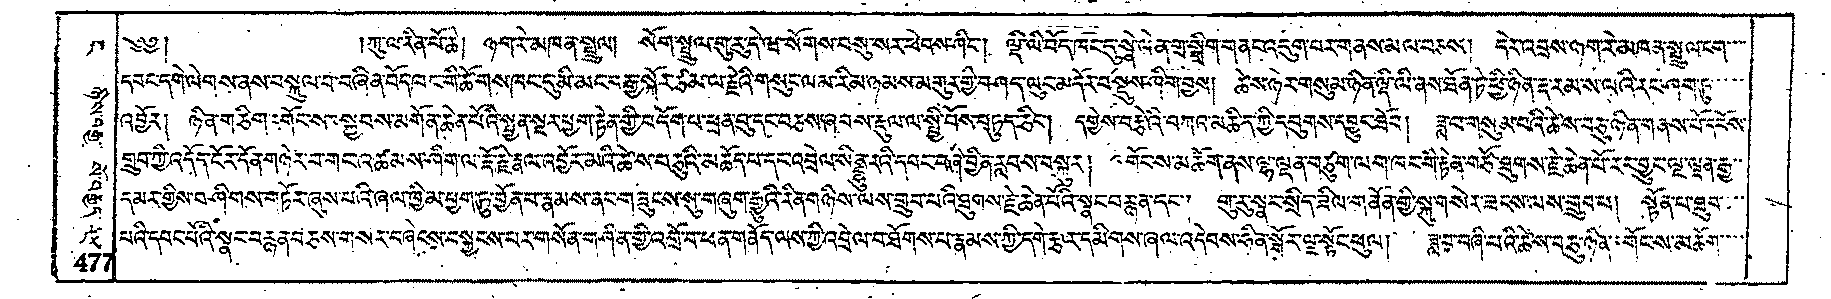༄༅། །ཀུ་ལ་རིན་པོ་ཆེ། ཉག་རེ་མཁན་སྤྲུལ། སོག་སྤྲུལ་གུ་རུ་དེ་ཝ་སོགས་བསུ་སར་ཕེབས་ཤིང་། ལྡི་ལི་བོད་ཁང་དུ་སྣེ་ལེན་གྲ་སྒྲིག་གནང་འདུག་པར་གནས་མལ་བཅས། དེར་འབྲས་ཉག་རེ་མཁན་སྤྲུལ་ངག་
དབང་དགེ་ལེགས་ནས་བསྐུལ་བ་བཞིན་བོད་ཁང་གི་ཚོགས་ཁང་དུ་མི་མང་བརྒྱ་སྐོར་ཙམ་ལ་རྗེའི་གསུང་ལམ་རིམ་ཉམས་མགུར་གྱི་བཤད་ལུང་མདོར་བསྡུས་ཤིག་བྱས། ཚེས་ཉེར་གསུམ་ཉིན་ལྡི་ལི་ནས་ཐོན་ཏེ་ཕྱི་ཉིན་རྡ་རམ་ས་ལའི་རང་ཤག་ཏུ་
འབྱོར། ཉིན་གཅིག་༧གོང་ས་༧སྐྱབས་མགོན་ཆེན་པོའི་སྤྱན་སྔར་ཕྱག་རྟེན་གྱི་བདོག་པ་ཕྲན་བུ་དང་བཅས་༧ཞབས་རྡུལ་ལ་སྤྱི་བོས་བཏུད་ཅིང་། དགྱེས་བརྩེའི་བཀའ་མཆིད་ཀྱི་དབུགས་དབྱུང་ཐོབ། ཟླ་བ་གསུམ་པའི་ཚེས་བཅུ་ཉིན་གནས་པོ་དངོས་
གྲུབ་ཀྱི་འདོད་ངོར་དོན་གཉེར་བ་གང་འཚམས་ཤིག་ལ་རྡོ་རྗེ་རྣལ་འབྱོར་མའི་ཚེས་བཅུའི་མཆོད་པ་དང་འབྲེལ་སིནྡྷུ་རའི་དབང་བཞི་བྱིན་རླབས་བསྐུར། ༧གོང་ས་མཆོག་ནས་ལྷ་ལྡན་གཙུག་ལག་ཁང་གི་རྟེན་གཙོ་ཐུགས་རྗེ་ཆེན་པོ་རང་བྱུང་ལྔ་ལྡན་རྒྱ་
དམར་གྱིས་བཤིགས་གཏོར་ཞུས་པའི་ཞལ་ཁྱིམ་ཕྱག་ཏུ་བྱོན་པ་རྣམས་ནང་གཟུངས་སུ་གཞུག་རྒྱུའི་རིན་གཉིས་ལས་གྲུབ་པའི་ཐུགས་རྗེ་ཆེན་པོའི་སྣང་བརྙན་དང་། གུ་རུ་སྣང་སྲིད་ཟིལ་གནོན་གྱི་སྐུ་གསེར་ཟངས་ལས་གྲུབ་པ། སྟོན་པ་ཐུབ་
པའི་དབང་པོའི་སྣང་བརྙན་བཅས་གསར་བཞེངས་བསྐྱངས་པར་གསོན་གཤིན་གྱི་འགྲོ་བ་ཕན་གནོད་ལས་ཀྱི་འབྲེལ་བ་ཐོགས་པ་རྣམས་ཀྱི་དགེ་རྩར་དམིགས་ཞལ་འདེབས་ཧིན་སྒོར་ལྔ་སྟོང་ཕུལ། ཟླ་བ་བཞི་པའི་ཚེས་བཅུ་ཉིན་༧གོང་ས་མཆོག་